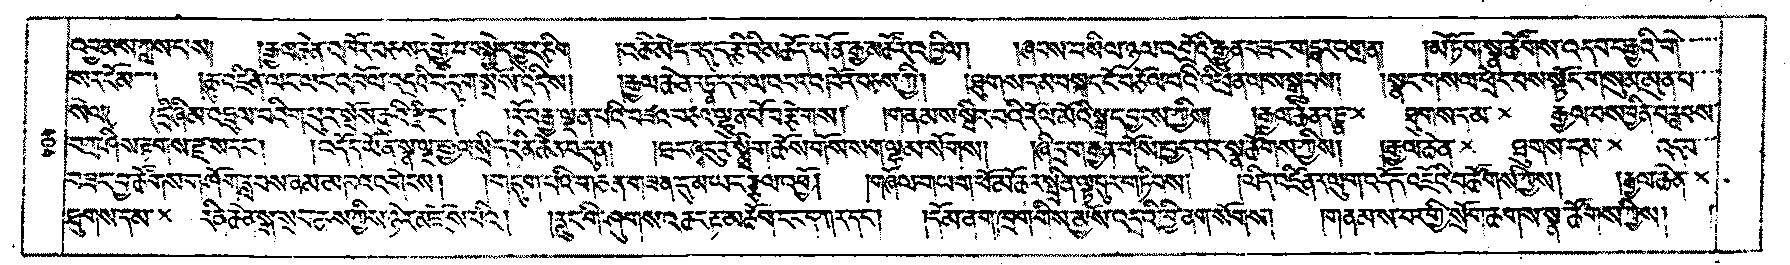འབྱམས་ཀླས་པས། །རྒྱལ་ཆེན་འཁོར་བཅས་དགྱེས་པ་བསྐྱེད་གྱུར་ཅིག །འཆི་མེད་བདུད་རྩིའི་མཆོད་ཡོན་རྒྱ་མཚོར་འཁྱིལ། །ཞབས་བསིལ་ཉལ་འགྲོའི་རྒྱུན་བཟང་གངྒར་འགྲན། །མེ་ཏོག་སྣ་ཚོགས་འདབ་བརྒྱའི་གེ་
སར་ངོམས། །ཆུ་འཛིན་ལང་ལང་འཁོལ་འདྲའི་བདུག་སྤོས་འདིས། །རྒྱལ་ཆེན་རཏྣ་དཔལ་འབར་འཁོར་བཅས་ཀྱི། །ཐུགས་དམ་བསྐང་ངོ་བཅོལ་བའི་འཕྲིན་ལས་སྒྲུབས། །སྣང་གསལ་ཕྲེང་བས་སྟོང་གསུམ་མུན་པ་
སེལ༑ ༑དྲི་ཞིམ་འཐུལ་བའི་ག་པུར་སྤོས་ཆུའི་རྫིང་། །རོ་བརྒྱ་ལྡན་པའི་བཟའ་བཅའ་ལྷུན་པོ་བརྩེགས། །གནམ་ས་སྦིར་བའི་རོལ་མོའི་སྒྲ་དབྱངས་ཀྱིས། །རྒྱལ་ཆེན་རཏྣ་྾་ཐུགས་དམ་྾་རྒྱལ་བས་བྱིན་བརླབས་
བཀྲ་ཤིས་རྟགས་རྫས་དང་། །འདོད་ཡོན་སྣ་ལྔ་རྒྱལ་སྲིད་རིན་ཆེན་བདུན། །ཐང་ཞྭ་ངུར་སྨྲིག་ཆོས་གོས་སག་ལྷམ་སོགས། །ཞི་དྲག་རྒྱན་གོས་ཁྱད་པར་སྣ་ཚོགས་ཀྱིས། །རྒྱལ་ཆེན་྾་ཐུགས་དམ་྾་འདབ་
བཟང་བྱ་ཚོགས་གཤོག་རླབས་ནམ་མཁའ་འགེངས། །གདུག་པའི་གཅན་གཟན་དུ་མ་ཡང་རྩལ་འཕྱོ། །གཞོལ་གཡག་ཕོ་མོ་ཆར་སྤྲིན་ལྟ་བུར་གཏིབས། །ཡིད་འཛིན་ར་ལུག་འདོད་འཇོའི་བ་ཚོགས་ཀྱིས། །རྒྱལ་ཆེན་྾་
ཐུགས་དམ་྾་རིན་ཆེན་སྒ་སྲབ་ཆས་ཀྱིས་ཉེར་མཛེས་པའི། །རླུང་གི་ཤུགས་འཆང་རྟ་མཆོག་ངང་དཀར་དང་། །དོམ་ནག་ཁྲག་གིས་མྱོས་འདྲའི་ཁྱི་ནག་སོགས། །གནམ་ས་བར་གྱི་སྲོག་ཆགས་སྣ་ཚོགས་ཀྱིས། །